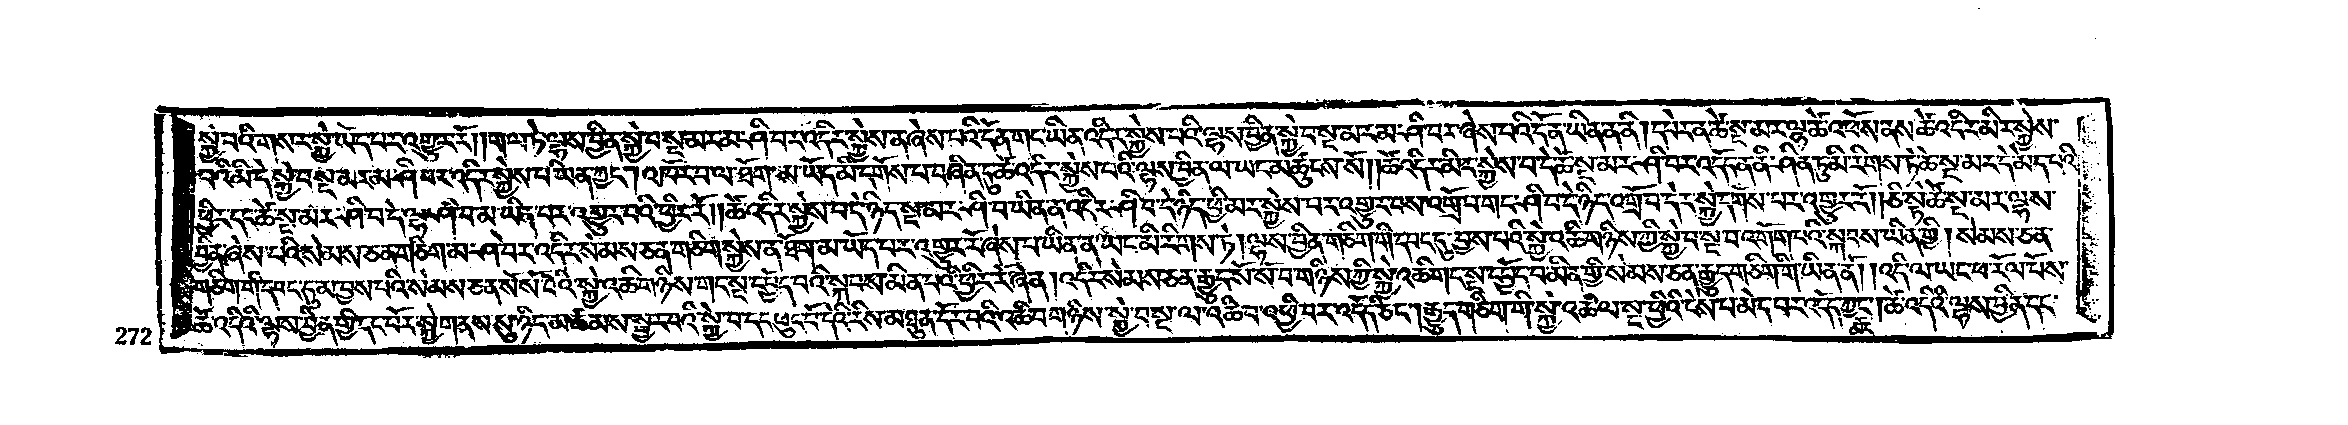སྐྱེ་བའི་གསར་སྐྱེ་ཡོད་པར་འགྱུར་རོ། །གལ་ཏེ་ལྷས་བྱིན་སྐྱེ་བ་སྔ་མར་མ་ཤི་བར་འདིར་སྐྱེས་ན་ཞེས་པའི་དོན་གང་ཡིན་འདིར་སྐྱེས་པའི་ལྷས་བྱིན་སྐྱེ་བ་སྔ་མར་མ་ཤི་བར་ཞེས་པའི་དོན་ཡིན་ན་ནི། དཔེར་ན་ཚེ་སྔ་མར་ལྷ་ཚེ་འཕོས་ནས་ཚེ་འདིར་མིར་སྐྱེས་
པའི་མི་དེ་སྐྱེ་བ་སྔ་མར་མ་ཤི་བར་འདིར་སྐྱེས་པ་ཡིན་ཀྱང་། འཁོར་བ་ལ་ཐོག་མ་ཡོད་མི་དགོས་པ་བཞིན་དུ་ཚེ་འདིར་སྐྱེས་པའི་ལྷས་བྱིན་ལ་ཡང་མཚུངས་སོ། །ཚེ་འདིར་མིར་སྐྱེས་པ་དེ་ཚེ་སྔ་མར་ཤི་བར་འདོད་ན་ནི་ཤིན་ཏུ་མི་རིགས་ཏེ་ཆེ་སྔ་མར་དེ་མེད་པའི་
ཕྱིར་དང་ཚེ་སྔ་མར་ཤི་བ་དེ་ལྷ་ཤི་བ་མ་ཡིན་པར་འགྱུར་བའི་ཕྱིར་རོ། །ཚེ་འདིར་སྐྱེས་པ་དེ་ཉིད་སྔ་མར་ཤི་བ་ཡིན་ན་འདིར་ཤི་བ་དེ་ཉིད་ཕྱི་མར་སྐྱེས་པར་འགྱུར་བས་འགྲོ་བ་གང་ཤི་བ་དེ་ཉིད་འགྲོ་བ་དེར་སྐྱེ་དགོས་པར་འགྱུར་རོ། །ཅི་སྟེ་ཚེ་སྔ་མར་ལྷས་
བྱིན་ཞེས་པའི་སེམས་ཅན་གཅིག་མ་ཤི་བར་འདིར་སེམས་ཅན་གཅིག་སྐྱེས་ན་ཐོག་མ་ཡོད་པར་འགྱུར་རོ་ཞེས་པ་ཡིན་ན་ཡང་མི་རིགས་ཏེ། ལྷས་བྱིན་གཅིག་གི་དབང་དུ་བྱས་པའི་སྐྱེ་འཆི་གཉིས་ཀྱི་སྐྱེ་བ་སྔ་བ་འགོག་པའི་སྐབས་ཡིན་གྱི། སེམས་ཅན་
གཅིག་གི་དབང་དུ་མ་བྱས་པའི་སེམས་ཅན་སོ་སོ་བོའི་སྐྱེ་འཆི་གཉིས་གང་སྔ་དཔྱོད་པའི་སྐབས་མིན་པའི་ཕྱིར་རོ་ཞེ་ན། འདིར་སེམས་ཅན་རྒྱུད་སོ་སོ་བ་གཉིས་ཀྱི་སྐྱེ་འཆི་གང་སྔ་དཔྱོད་པ་མིན་གྱི་སེམས་ཅན་རྒྱུད་གཅིག་གི་ཡིན་ནོ། །འདི་ལ་ཡང་ཕ་རོལ་པོས་
ཚེ་འདིའི་ལྷས་བྱིན་གྱི་དང་པོར་སྐྱེ་གནས་སུ་ཉིང་མཚམས་སྦྱར་བའི་སྐྱེ་བ་དང་ཕུང་པོ་དེའི་རིས་མཐུན་དོར་བའི་འཆིང་གཉིས་སྐྱེ་བ་སྔ་ལ་འཆི་བ་འཕྱི་བར་འདོད་ཅིང་། རྒྱུད་གཅིག་གི་སྐྱེ་འཆི་ལ་སྔ་ཕྱིའི་ངེས་པ་མེད་པར་འདོད་ཀྱང་མོང་། ཚེ་འདིའི་ལྷས་བྱིན་དང་